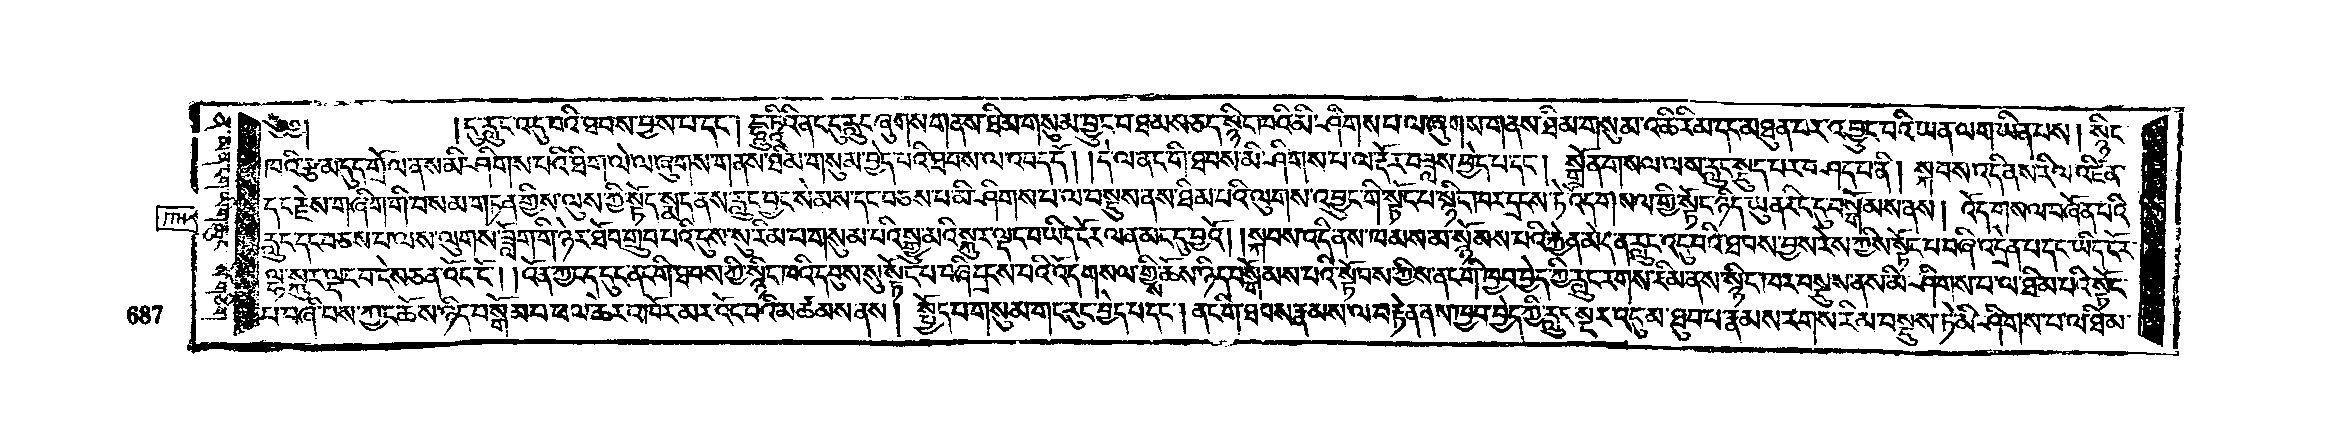༄༅། །དུ་རླུང་འདུ་བའི་ཐབས་བྱས་པ་དང་། དྷཱུ་ཏཱིའི་ནང་དུ་རླུང་ཞུགས་གནས་ཐིམ་གསུམ་བྱུང་བ་ཐམས་ཅད་སྙིང་ཁའི་མི་ཤིགས་པ་ལ་ཞུགས་གནས་ཐིམ་གསུམ་འཆི་རིམ་དང་མཐུན་པར་འབྱུང་བའི་ཡན་ལག་ཡིན་པས། སྙིང་
ཁའི་རྩམ་དུད་གྲོལ་ནས་མི་ཤིགས་པའི་ཐིག་ལེ་ལ་ཞུགས་གནས་ཐིམ་གསུམ་བྱེད་པའི་ཐབས་ལ་འབད་དོ། །དེ་ལ་ནང་གི་ཐབས་མི་ཤིགས་པ་ལ་རྡོར་བཟླས་བྱེད་པ་དང་། སྒྲོན་གསལ་ལས་རླུང་སྡུད་པར་བཤད་པ་ནི། སྐབས་འདི་ནས་རིལ་འཛིན་
དང་རྗེས་གཞིག་གི་བསམ་གཏན་གྱིས་ལུས་ཀྱི་སྟོད་སྨད་ནས་རླུང་བྱང་སེམས་དང་བཅས་པ་མི་ཤིགས་པ་ལ་བསྡུས་ནས་ཐིམ་པའི་ལུགས་འབྱུང་གི་སྟོང་པ་སྙིང་ཁར་དྲངས་ཏེ་འོད་གསལ་གྱི་སྟོང་ཉིད་ཡུན་རིང་དུ་བསྒོམས་ནས། འོད་གསལ་བཞོན་པའི་
རླུང་དང་བཅས་པ་ལས་ལུགས་ཟློག་གི་ཉེར་ཐོབ་གྲུབ་པའི་དུས་སུ་རིམ་པ་གསུམ་པའི་སྒྱུ་མའི་སྐུར་ལྡང་བ་ཡིད་ངོར་ལན་མང་དུ་བྱའོ། །སྐབས་འདི་ནས་ཁམས་མ་སྙོམས་པའི་རྐྱེན་མེད་ན་རླུང་འདུ་བའི་ཐབས་བྱས་རེས་ཀྱིས་སྟོང་པ་བཞི་འདྲེན་པ་དང་ཡིད་ངོར་
ལྷ་སྐུར་ལྡང་བ་ངེས་ཅན་འོང་ངོ། །འོན་ཀྱང་ད་དུང་ནང་གི་ཐབས་ཀྱི་སྙིང་ཁའི་དབུས་སུ་སྟོང་པ་བཞི་དྲངས་པའི་འོད་གསལ་གྱིས་ཆོས་ཉིད་བསྒོམས་པའི་སྟོབས་ཀྱིས་ནང་གི་ཁྱབ་བྱེད་ཀྱི་རླུང་རགས་རིམ་ནས་སྙིང་ཁར་བསྡུས་ནས་མི་ཤིགས་པ་ལ་ཐིམ་པའི་སྟོང་
པ་བཞི་པས་ཀྱང་ཆོས་ཉིད་བསྒོམ་པ་ཕལ་ཆེར་འཁོར་མར་འོང་བའི་མཚམས་ནས། སྤྱོད་པ་གསུམ་གང་རུང་བྱེད་པ་དང་། ནང་གི་ཐབས་རྣམས་ལ་བརྟེན་ནས་ཁྱབ་བྱེད་ཀྱི་རླུང་སྔར་འདུ་མ་ཐུབ་པ་རྣམས་རགས་རིམ་བསྡུས་ཏེ་མི་ཤིགས་པ་ལ་ཐིམ་